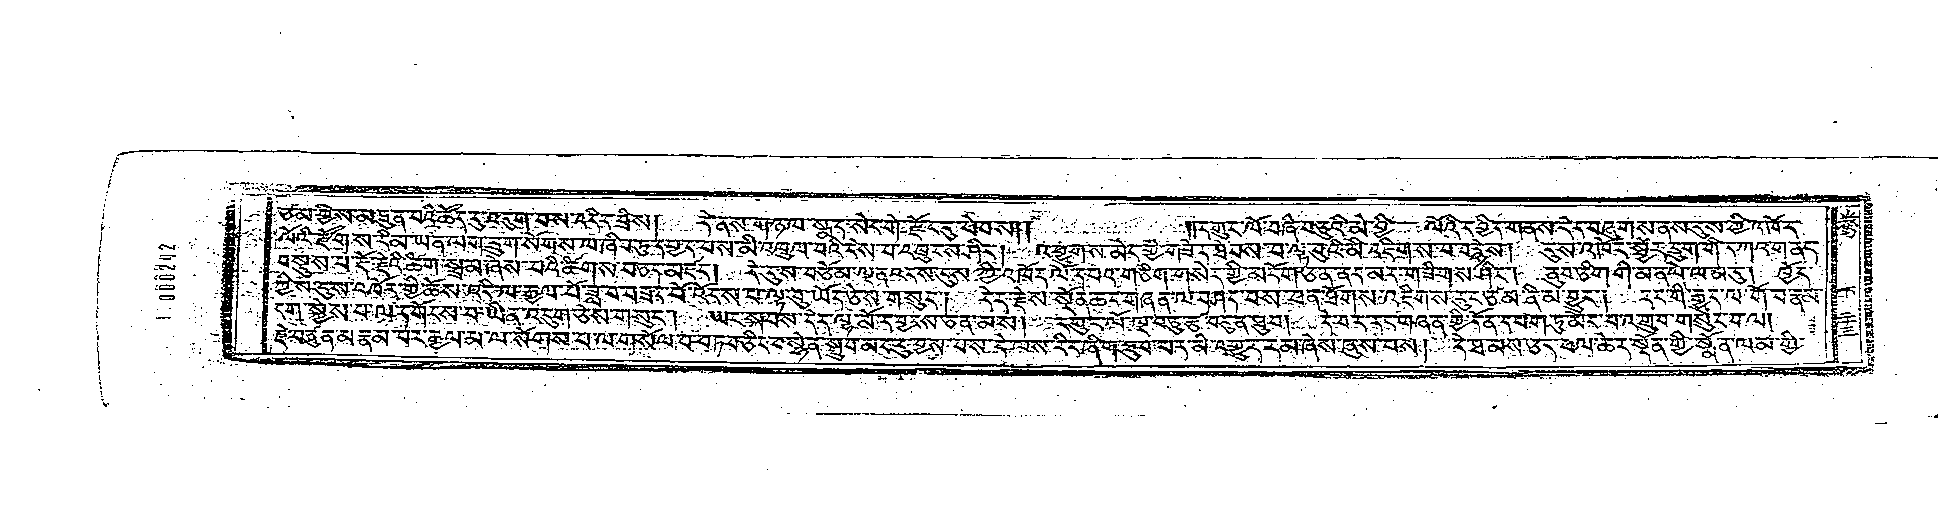ཙམ་གྱིས་མཐུན་བའི་ཚོང་དུ་འདུག་པས་འདིར་བྲིས། དེ་ནས་གཉལ་སྨད་སེང་གེ་རྫོང་དུ་ཕེབས།། །།དགུང་ལོ་བཞི་བཅུའི་མེ་བྱི་ལོའི་དཔྱིད་གནས་དེར་བཞུགས་ནས་དུས་ཀྱི་འཁོར་
ལོའི་རྫོགས་རིམ་ཡན་ལག་དྲུག་སོགས་ལ་ཞིབ་ཏུ་དཔྱད་པས་མི་འཁྲུལ་བའི་དེས་པ་འཁྲུངས་ཤིང་། འཕྱུགས་མེད་ཀྱི་གཟེད་ཐེབས་པ་ལྟ་བུའི་མི་འཇིགས་པ་བརྙེས། དུས་འཁོར་སྦྱོར་དྲུག་གི་དཀའ་གནད་
བསྡུས་བ་རྡོ་རྗེའི་ཚིག་སྦྲམ་ཞེས་པའི་ཚིགས་བཅད་མཛད། དེ་དུས་བཅོམ་ལྡན་འདས་དུས་ཀྱི་འཁོར་ལོ་དཔའ་གཅིག་གསེར་གྱི་མདོག་ཅན་ནར་མར་གཟིགས་ཤིང་། ནུབ་ཅིག་གི་མནལ་ལམ་དུ། ཁྱོད་
ཀྱིས་དུས་འཁོར་གྱི་ཆོས་འདི་ལ་རྒྱལ་པོ་ཟླ་བ་བཟང་པོ་འོངས་པ་ལྟ་བུ་ཡོད་ཅེས་གསུང་། དེར་རྗེས་སྔོན་ཆང་གཞན་ལ་བཤད་པས་ཕན་ཐོགས་འཇིགས་རུང་ཙམ་ནི་མ་བྱུང་། རང་གི་རྒྱུད་ལ་གོ་བ་རྣམ་
དག་སྐྱེས་པ་ལ་དགོངས་པ་ཡིན་འདུག་ཅེས་གསུང་། ཡང་སྐབས་དེར་ལྷ་མོ་དབྱངས་ཅན་མས། དགུང་ལོ་ལྔ་བཅུ་རྩ་བདུན་ཐུབ། དེ་བར་རང་གཞན་གྱི་དོན་དཔག་ཏུ་མེད་པ་འགྲུབ་གསུང་བ་ལ།
རྗེ་བཙུན་མ་རྣམ་པར་རྒྱལ་མ་ལ་སོགས་པ་ལ་གསོལ་བ་བཏབ་ཅིང་བསྙེན་སྒྲུབ་མང་དུ་བྱས་པས་དེ་ལས་རིང་ཞིག་ཐུབ་པར་མི་འགྱུར་རམ་ཞེས་ཞུས་པས། དེ་ཐམས་ཅད་ཕལ་ཆེར་སྔོན་གྱི་སྨོན་ལམ་གྱི་